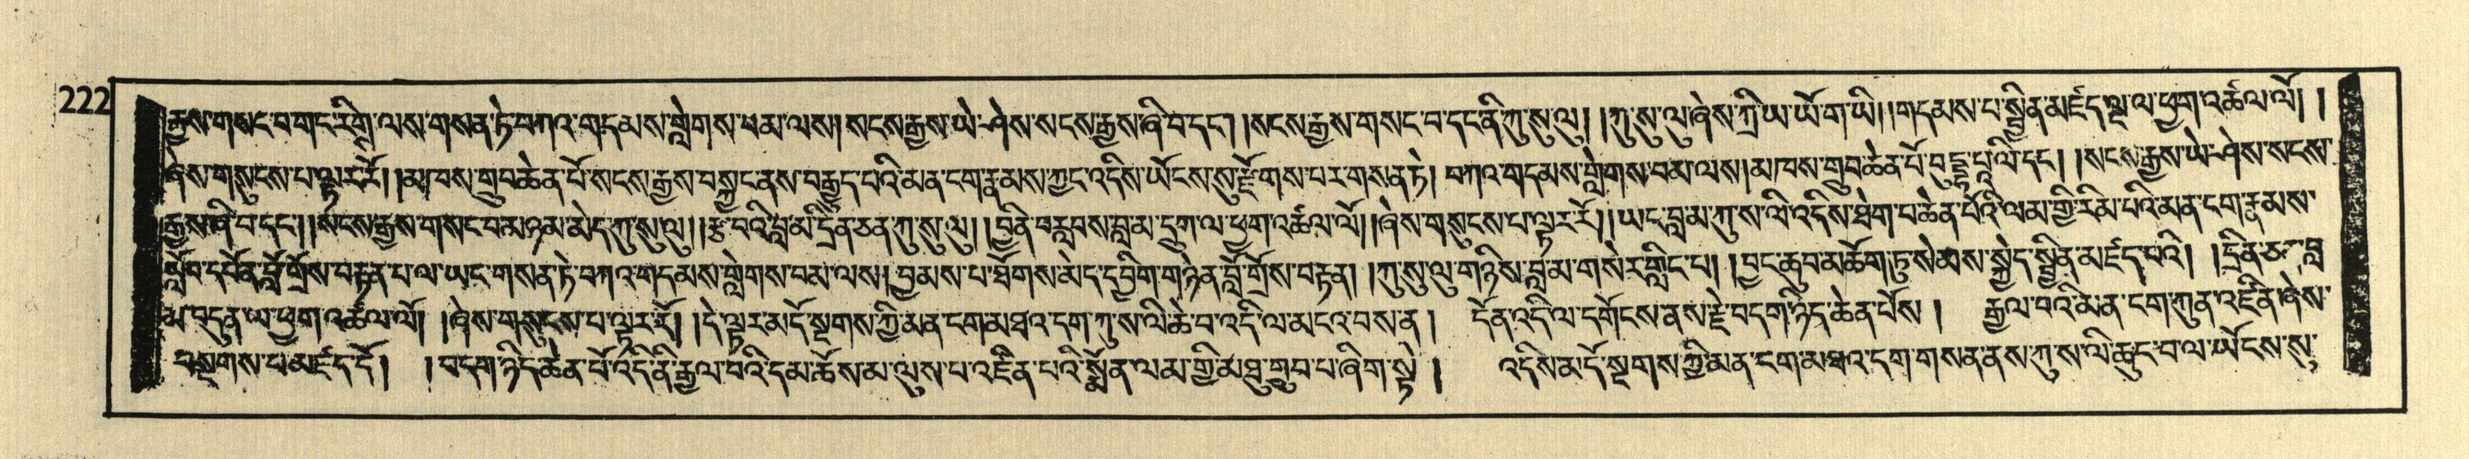རྒྱས་གསང་བ་གང་རིག་ལས་གསན་ཏེ་བཀའ་གདམས་གླེགས་བམ་ལས། སངས་རྒྱས་ཡེ་ཤེས་སངས་རྒྱས་ཞི་བ་དང་། །སངས་རྒྱས་གསང་བ་དང་ནི་ཀུ་སུ་ལུ། །ཀུ་སུ་ལུ་ཞེས་ཀྲི་ཡ་ཡོ་ག་ཡི། །གདམས་པ་སྦྱིན་མཛད་ལྔ་ལ་ཕྱག་འཚལ་ལོ། །
ཞེས་གསུངས་པ་ལྟར་རོ། །མཁས་གྲུབ་ཆེན་པོ་སངས་རྒྱས་བསྐྱང་ནས་བརྒྱུད་པའི་མན་ངག་རྣམས་ཀྱང་འདིས་ཡོངས་སུ་རྫོགས་པར་གསན་ཏེ། བཀའ་གདམས་གླེགས་བམ་ལས། མཁས་གྲུབ་ཆེན་པོ་བུདྡྷ་པཱ་ལི་དང་། །སངས་རྒྱས་ཡེ་ཤེས་སངས་
རྒྱས་ཞི་བ་དང་། །སངས་རྒྱས་གསང་བ་མཉམ་མེད་ཀུ་སུ་ལུ། །རྩ་བའི་བླ་མ་དྲིན་ཅན་ཀུ་སུ་ལུ། །བྱིན་བརླབས་བླ་མ་དྲུག་ལ་ཕྱག་འཚལ་ལོ། །ཞེས་གསུངས་པ་ལྟར་རོ། །ཡང་བླ་མ་ཀུ་ས་ལི་འདིས་ཐེག་པ་ཆེན་པོའི་ལམ་གྱི་རིམ་པའི་མན་ངག་རྣམས་
སློབ་དཔོན་བློ་གྲོས་བརྟན་པ་ལ་ཡང་གསན་ཏེ་བཀའ་གདམས་གླེགས་བམ་ལས། བྱམས་པ་ཐོགས་མེད་དབྱིག་གཉེན་བློ་གྲོས་བརྟན། །ཀུ་སུ་ལུ་གཉིས་བླ་མ་གསེར་གླིང་པ། །བྱང་ཆུབ་མཆོག་ཏུ་སེམས་སྐྱེད་སྦྱིན་མཛད་པའི། །དྲིན་ཅན་བླ་
མ་བདུན་ལ་ཕྱག་འཚལ་ལོ། །ཞེས་གསུངས་པ་ལྟར་རོ། །དེ་ལྟར་མདོ་སྔགས་ཀྱི་མན་ངག་མཐའ་དག་ཀུ་ས་ལི་ཆེ་བ་འདི་ལ་མངའ་བས་ན། དོན་འདི་ལ་དགོངས་ནས་རྗེ་བདག་ཉིད་ཆེན་པོས། རྒྱལ་བའི་མན་ངག་ཀུན་འཛིན་ཞེས་
བསྔགས་པ་མཛད་དོ། །བདག་ཉིད་ཆེན་པོ་འདི་ནི་རྒྱལ་བའི་དམ་ཆོས་མ་ལུས་པ་འཛིན་པའི་སྨོན་ལམ་གྱི་མཐུ་གྲུབ་པ་ཞིག་སྟེ། འདིས་མདོ་སྔགས་ཀྱི་མན་ངག་མཐའ་དག་གསན་ནས་ཀུ་ས་ལི་ཆུང་བ་ལ་ཡོངས་སུ་